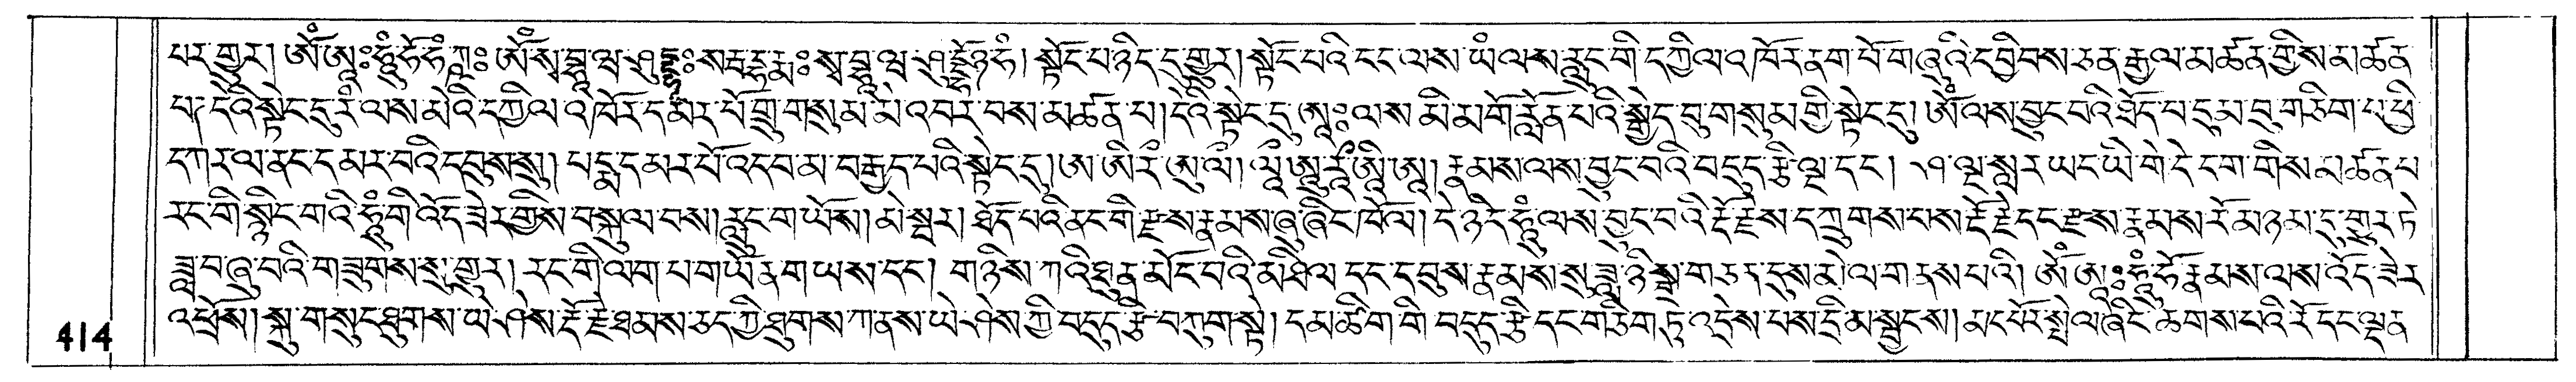པར་གྱུར། ཨོཾ་ཨཱཿ ཧཱུཾ་ཧོ་ཧཾ་ཀྵཿ ཨོཾ་སྭ་བྷཱ་ཝ་ཤུདྡྷཱཿ སརྦ་དྷ་རྨཿ སྭ་བྷཱ་ཝ་ཤུ་དྡྷོ་ཉ་ཧཾ། སྟོང་པ་ཉིད་དུ་གྱུར། སྟོང་པའི་ངང་ལས་ཡཾ་ལས་རླུང་གི་དཀྱིལ་འཁོར་ནག་པོ་གཞུའི་དབྱིབས་ཅན་རྒྱལ་མཚན་གྱིས་མཚན་
པ༑ དེའི་སྟེང་དུ་རཾ་ལས་མེའི་དཀྱིལ་འཁོར་དམར་པོ་གྲུ་གསུམ་མེ་འབར་བས་མཚན་པ། དེའི་སྟེང་དུ་ཨཱཿ ལས་མི་མགོ་རློན་པའི་སྒྱེད་བུ་གསུམ་གྱི་སྟེང་དུ། ཨོཾ་ལས་བྱུང་བའི་ཐོད་པ་དུམ་བུ་གཅིག་པ་ཕྱི་
དཀར་ལ་ནང་དམར་བའི་དབུས་སུ། པདམ་དམར་པོ་འདབ་མ་བརྒྱད་པའི་སྟེང་དུ། ཨ་ཨི་རྀ་ཨུ་ལྀ། ལཱྀ་ཨཱུ་རཱྀ་ཨཱི་ཨཱ། རྣམས་ལས་བྱུང་བའི་བདུད་རྩི་ལྔ་དང་། ཤ་ལྔ་སླར་ཡང་ཡི་གེ་དེ་དག་གིས་མཚན་པ་
རང་གི་སྙིང་གའི་ཧཱུཾ་གི་འོད་ཟེར་གྱིས་བསྐུལ་བས། རླུང་གཡོས། མེ་སྦར། ཐོད་པའི་ནང་གི་རྫས་རྣམས་ཞུ་ཞིང་ཁོལ། དེ་ཉིད་ཧཱུཾ་ལས་བྱུང་བའི་རྡོ་རྗེས་དཀྲུགས་པས་རྡོ་རྗེ་དང་རྫས་རྣམས་རོ་མཉམ་དུ་གྱུར་ཏེ་
ཟླ་བ་ཞུ་བའི་གཟུགས་སུ་གྱུར། རང་གི་ལག་པ་གཡོན་གཡས་དང་། གཉིས་ཀའི་ཐུན་མོང་བའི་མཐིལ་དང་དབུས་རྣམས་སུ་ཟླ་ཉི་སྒྲ་གཅན་དུས་མེ་ལ་གནས་པའི། ཨོཾ་ཨཱཿ ཧཱུཾ་ཧོ་རྣམས་ལས་འོད་ཟེར་
འཕྲོས། སྐུ་གསུང་ཐུགས་ཡེ་ཤེས་རྡོ་རྗེ་ཐམས་ཅད་ཀྱི་ཐུགས་ཀ་ནས་ཡེ་ཤེས་ཀྱི་བདུད་རྩི་བཀུག་སྟེ། དམ་ཚིག་གི་བདུད་རྩི་དང་གཅིག་ཏུ་འདྲེས་པས་དྲི་མ་སྦྱངས། མང་པོར་སྤེལ་ཞིང་ཆགས་པའི་རོ་དང་ལྡན་